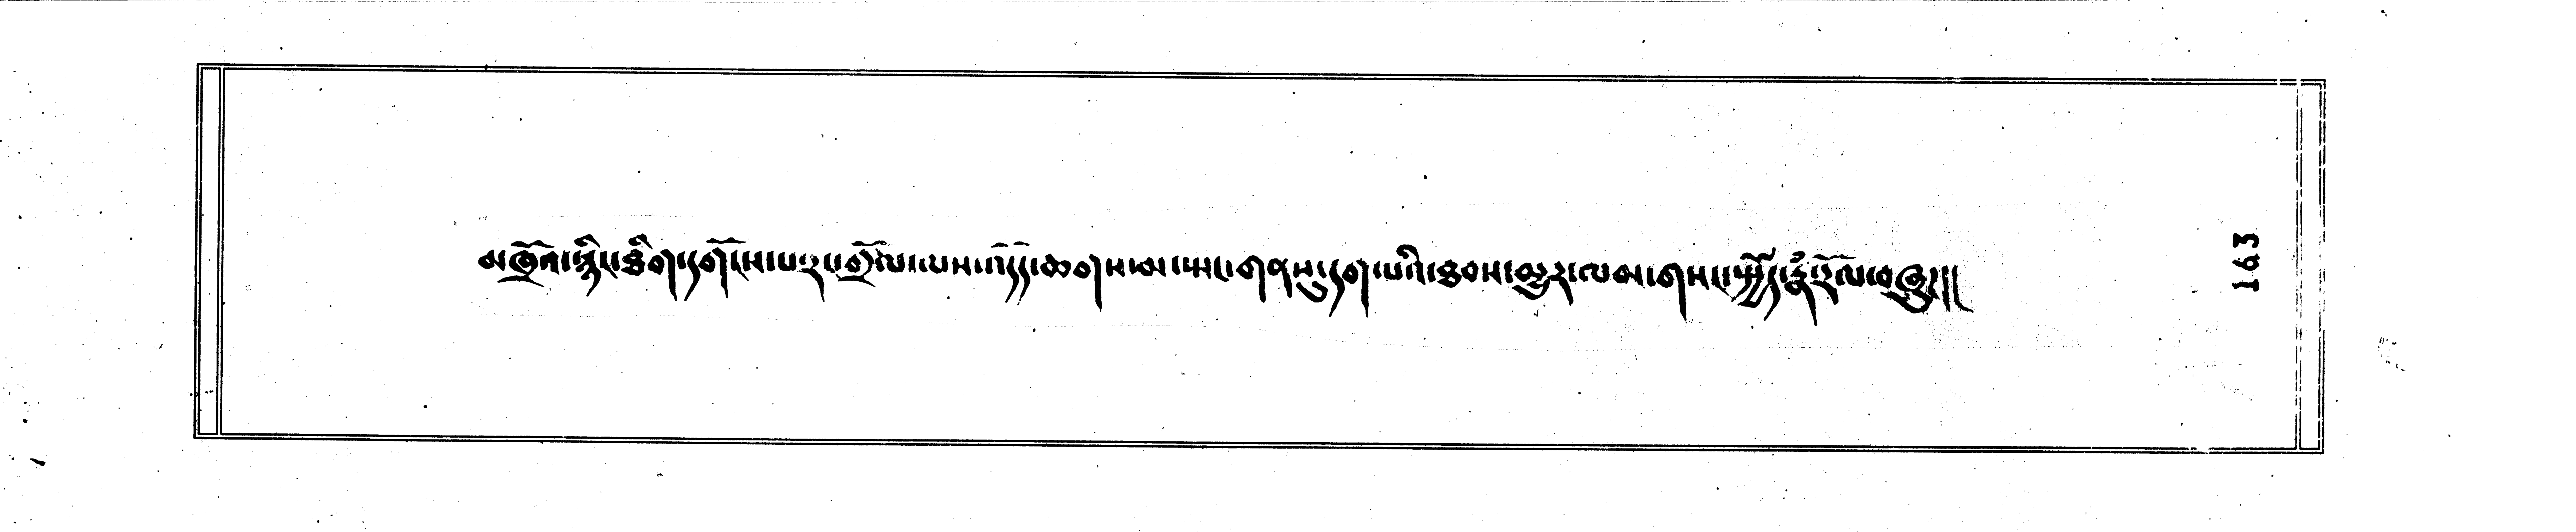མཁའ་འགྲོ་སྙིང་ཐིག་དགོངས་པ་རང་གྲོལ་ལས་འདོད་ཆགས་མ་སྤངས་གནས་སུ་དག་པའི་ཐབས་མྱུར་ལམ་གསང་སྤྱོད་རྣམ་རོལ་བཞུགས། །